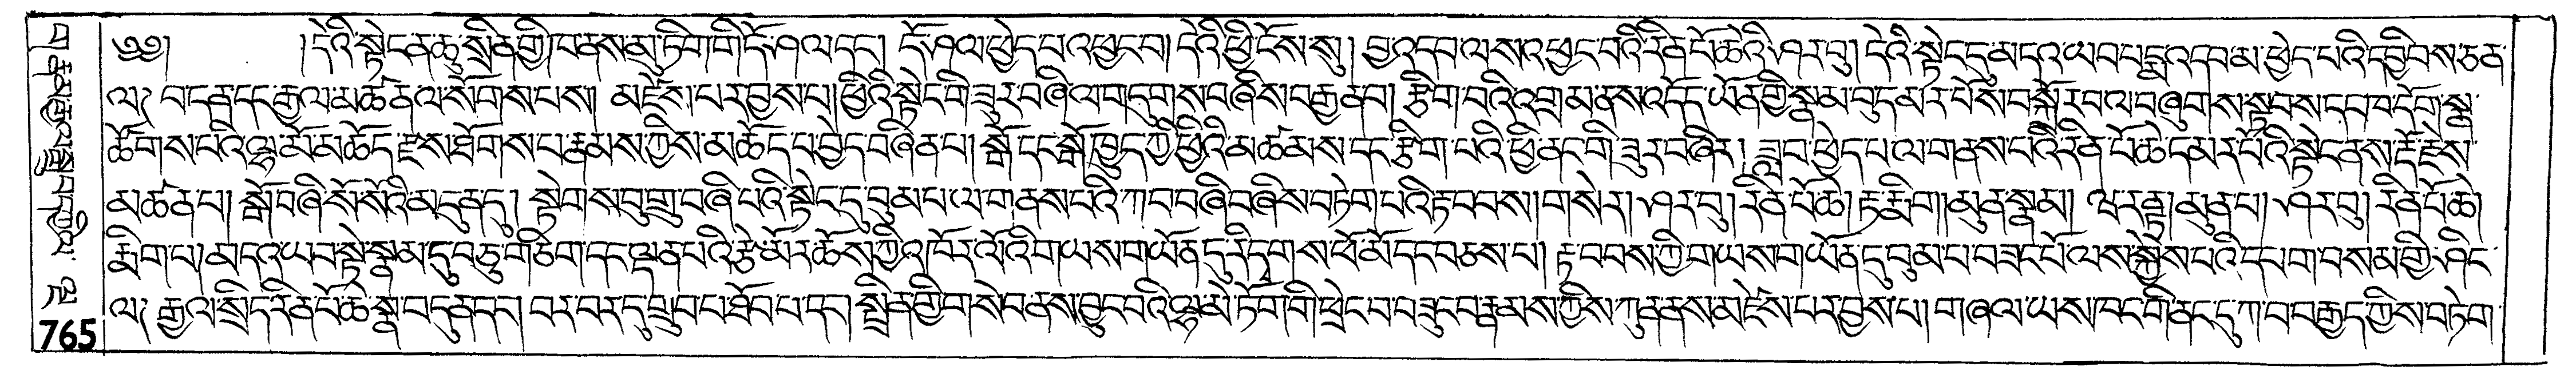༄༅། །དེའི་སྟེང་ན་ཆུ་སྲིན་གྱི་ཁ་ནས་མུ་ཏིག་གི་དོ་ཤལ་དང་། དོ་ཤལ་ཕྱེད་པ་འཕྱང་བ། དེའི་ཕྱི་ངོས་སུ། བྱ་འདབ་ལས་འཕྱང་བའི་རིན་པོ་ཆེའི་ཤར་བུ། དེའི་སྟེང་དུ་མདའ་ཡབ་པདམ་འདབ་མ་ཕྱེད་པའི་དབྱིབས་ཅན་
ལ། བ་དན་དང་རྒྱལ་མཚན་ལ་སོགས་པས། མཛེས་པར་བྱས་པ། ཕྱིའི་སྟེང་གི་ཟུར་བཞི་ལ་གདུགས་བཞིས་བརྒྱན་པ། རྩིག་པའི་འགྲམ་ནས་འདོད་ཡོན་གྱི་སྣམ་བུ་དམར་པོས་བསྐོར་བ་ལ་བཞུགས་སྟབས་དང་ཁ་དོག་སྣ་
ཚོགས་པའི་ལྷ་མོ་མཆོད་རྫས་ཐོགས་པ་རྣམས་ཀྱིས་མཆོད་པ་བྱེད་བཞིན་པ། སྒོ་དང་སྒོ་ཁྱུད་ཀྱི་ཕྱིའི་མཚམས་དང་རྩིག་པའི་ཕྱི་ནང་གི་ཟུར་བཞིར། ཟླ་བ་ཕྱེད་པ་ལ་གནས་པའི་རིན་པོ་ཆེ་དམར་པོའི་སྟེང་ནས་རྡོ་རྗེས་
མཚན་པ། སྒོ་བཞི་སོ་སོའི་མདུན་དུ། སྟེགས་བུ་གྲུ་བཞི་པའི་སྟེང་དུ་བུམ་པ་ལ་གནས་པའི་ཀ་བ་བཞི་བཞིས་བཏེག་པའི་རྟ་བབས། གསེར། ཤར་བུ། རིན་པོ་ཆེ། རྟ་རྨིག །མུན་སྣམ། ཝ་རནྟ། མུན་པ། ཤར་བུ། རིན་པོ་ཆེ།
རྨིག་པ། མདའ་ཡབ་སྟེ་སྣམ་དུ་བཅུ་གཅིག་དང་ལྡན་པའི་རྩེ་མོར་ཆོས་ཀྱི་འཁོར་ལོའི་གཡས་གཡོན་དུ་རི་དྭགས་ཕོ་མོ་དང་བཅས་པ། རྟ་བབས་ཀྱི་གཡས་གཡོན་དུ་བུམ་པ་བཟང་པོ་ལས་སྐྱེས་པའི་དཔག་བསམ་གྱི་ཤིང་
ལ། རྒྱལ་སྲིད་རིན་པོ་ཆེ་སྣ་བདུན་དང་། བར་བར་དུ་གྲུབ་པ་ཐོབ་པ་དང་། སྤྲིན་གྱི་གསེབ་ནས་བྱུང་བའི་ལྷ་མེ་ཏོག་གི་ཕྲེང་བ་བཟུང་བ་རྣམས་ཀྱིས་ཀུན་ནས་མཛེས་པར་བྱས་པ། གཞལ་ཡས་ཁང་གི་ནང་དུ་ཀ་བ་བརྒྱད་ཀྱིས་བཏེག་